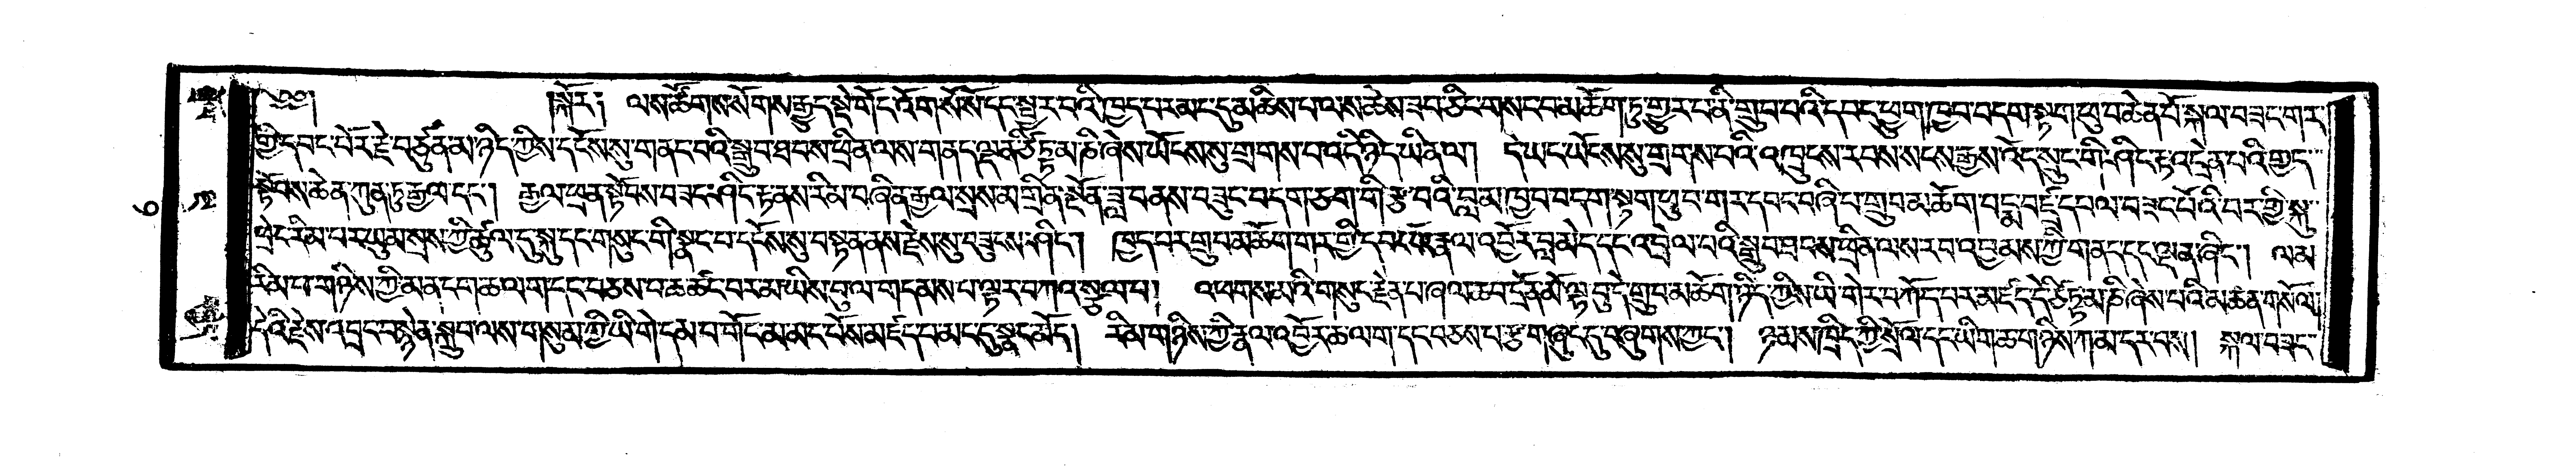༄༅། །སྐོར༑ ལས་ཚོགས་སོགས་རྒྱུད་སྡེ་གོང་འོག་སོ་སོ་དང་སྦྱར་བའི་ཁྱད་པར་མང་དུ་མཆིས་པ་ལས་ཆེས་ཟབ་ཅིང་གསང་བ་མཆོག་ཏུ་གྱུར་པ་ནི་གྲུབ་པའི་དབང་ཕྱུག་ཁྱབ་བདག་སྟག་ཕུ་བ་ཆེན་པོ་སྐལ་བཟང་གར་
གྱི་དབང་པོར་རྗེ་བཙུན་མ་ཉིད་ཀྱིས་དངོས་སུ་གནང་བའི་སྒྲུབ་ཐབས་ཕྲིན་ལས་གནད་ལྡན་ཙིཏྟ་མ་ཎི་ཞེས་ཡོངས་སུ་གྲགས་པ་འདི་ཉིད་ཡིན་ལ། དེ་ཡང་ཡོངས་སུ་གྲགས་པའི་འཁྲུངས་རབས་སངས་རྒྱས་འོད་སྲུང་གི་ཤིང་རྟ་འདྲེན་པའི་གྱད་
སྟོབས་ཆེན་ཀུན་ཏུ་རྒྱལ་དང་། རྒྱལ་ཕྲན་སྟོབས་བཟང་ཤིང་རྟ་ནས་རིམ་བཞིན་རྒྱལ་སྲས་མགྲིན་སྔོན་ཟླ་བ་ནས་བཟུང་བདག་ཅག་གི་རྩ་བའི་བླ་མ་ཁྱབ་བདག་སྟག་ཕུ་བ་གར་དབང་བཞི་པ་གྲུབ་མཆོག་པདམ་བཛྲ་དཔལ་བཟང་པོའི་བར་གྱི་སྐུ་
ཕྲེང་རིམ་པར་ཡུམ་སྲས་ཀྱི་ཚུལ་དུ་སྐུ་དང་གསུང་གི་སྣང་བ་དངོས་སུ་བསྟན་ནས་རྗེས་སུ་བཟུངས་ཤིང་། ཁྱད་པར་གྲུབ་མཆོག་གར་གྱི་དབང་པོར་རྣལ་འབྱོར་བླ་མེད་དང་འབྲེལ་བའི་སྒྲུབ་ཐབས་ཕྲིན་ལས་རབ་འབྱམས་ཀྱི་གནད་དང་ལྡན་ཞིང་། ལམ་
རིམ་པ་གཉིས་ཀྱི་མན་ངག་ཆ་ལག་དང་བཅས་པ་ཆ་ཚང་བར་མ་ཡིས་བུ་ལ་གདམས་པ་ལྟར་བཀའ་སྩལ་བ། འཕགས་མའི་གསུང་རྗེན་པ་ཞལ་ཆབ་དྲོན་མོ་ལྟ་བུ་དེ་གྲུབ་མཆོག་ཉིད་ཀྱིས་ཡི་གེར་བཀོད་པར་མཛད་དེ་ཙིཏྟ་མ་ཎི་ཞེས་པའི་མཚན་གསོལ།
དེའི་རྗེས་འབྲང་བསྙེན་སྒྲུབ་ལས་གསུམ་གྱི་ཡི་གེ་དམ་པ་གོང་མ་མང་པོས་མཛད་པ་མང་དུ་སྣང་མོད། རིམ་གཉིས་ཀྱི་རྣལ་འབྱོར་ཆ་ལག་དང་བཅས་པ་རྩ་གཞུང་དུ་བཞུགས་ཀྱང་། ཉམས་ཁྲིད་ཀྱི་སྲོལ་དང་ཡིག་ཆ་གཉིས་ཀ་མ་དར་བས། སྐལ་བཟང་